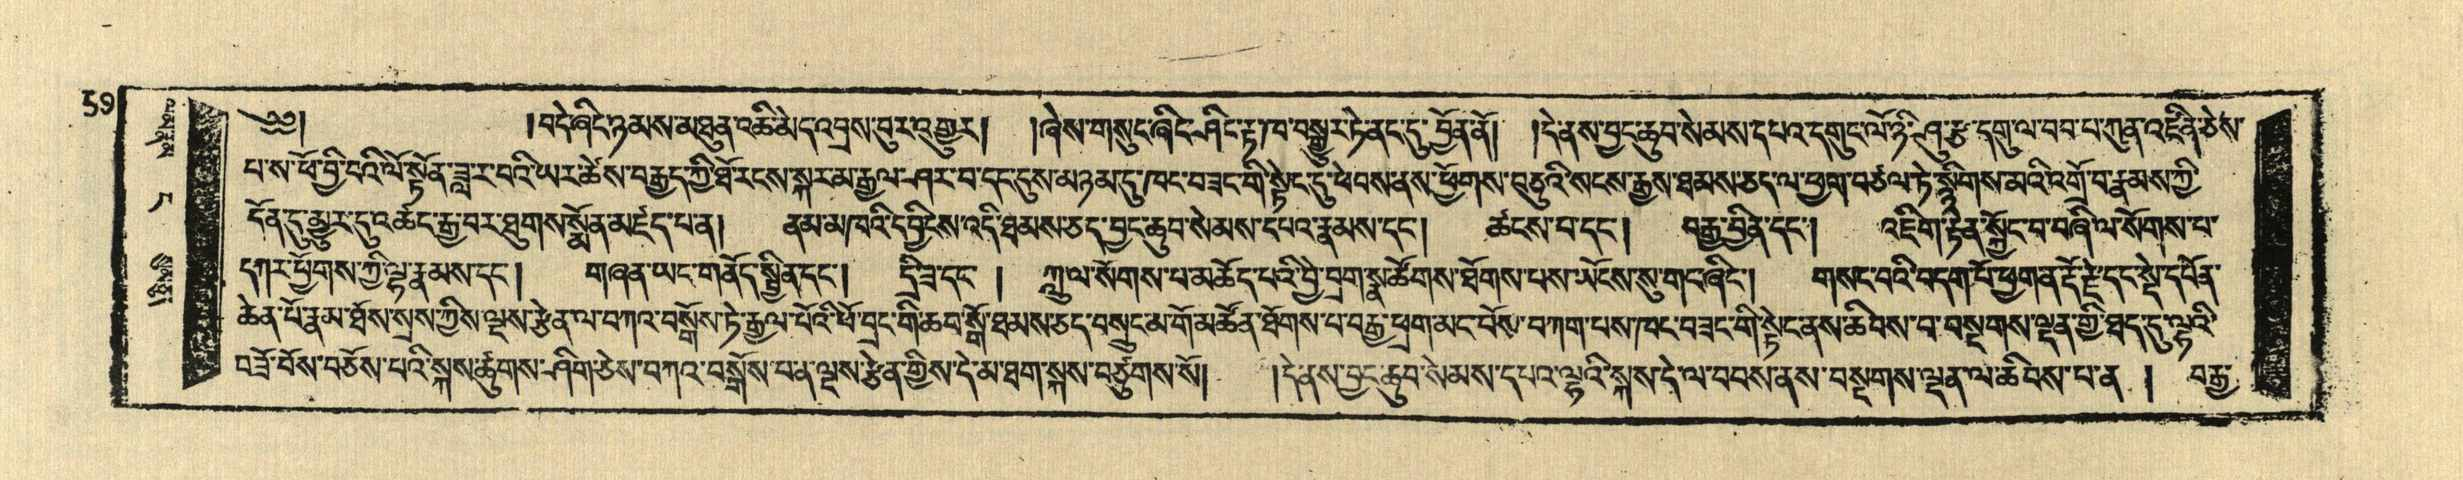༄༅། །བདེ་ཞིང་ཉམས་མཐུན་འཆི་མེད་འབྲས་བུར་འགྱུར། །ཞེས་གསུང་ཞིང་ཤིང་རྟ་ཁ་བསྒྱུར་ཏེ་ནང་དུ་བྱོན་ནོ། །དེ་ནས་བྱང་ཆུབ་སེམས་དཔའ་དགུང་ལོ་ཉི་ཤུ་རྩ་དགུ་ལ་བབ་པ་ཀུན་འཛིན་ཅེས་
པ་ས་ཕོ་བྱི་བའི་ལོ་སྟོན་ཟླ་ར་བའི་ཡར་ཚེས་བརྒྱད་ཀྱི་ཐོ་རངས་སྐར་མ་རྒྱལ་ཤར་བ་དང་དུས་མཉམ་དུ་ཁང་བཟང་གི་སྟེང་དུ་ཕེབས་ནས་ཕྱོགས་བཅུའི་སངས་རྒྱས་ཐམས་ཅད་ལ་ཕྱག་བཙལ་ཏེ་སྙིགས་མའི་འགྲོ་བ་རྣམས་ཀྱི་
དོན་དུ་མྱུར་དུ་འཚང་རྒྱ་བར་ཐུགས་སྨོན་མཛད་པ་ན། ནམ་མཁའི་དབྱིངས་འདི་ཐམས་ཅད་བྱང་ཆུབ་སེམས་དཔའ་རྣམས་དང་། ཚང་བ་དང་། བརྒྱ་བྱིན་དང་། འཇིག་རྟེན་སྐྱོང་བ་བཞི་ལ་སོགས་པ་
དཀར་ཕྱོགས་ཀྱི་ལྷ་རྣམས་དང་། གཞན་ཡང་གནོད་སྦྱིན་དང་། དྲི་ཟ་དང་། ཀླུ་ལ་སོགས་པ་མཆོད་པའི་བྱེ་བྲག་སྣ་ཚོགས་ཐོགས་པས་ཡོངས་སུ་གང་ཞིང་། གསང་བའི་བདག་པོ་ཕྱག་ན་རྡོ་རྗེ་དང་སྡེ་དཔོན་
ཆེན་པོ་རྣམ་ཐོས་སྲས་ཀྱིས་ལྔས་རྩེན་ལ་བཀའ་བསྒོས་ཏེ་རྒྱལ་པོའི་ཕོ་བྲང་གི་ཆབ་སྒོ་ཐམས་ཅད་བསྲུང་མ་གོ་མཚོན་ཐོགས་པ་བརྒྱ་ཕྲག་མང་པོས་བཀག་པས་ཁང་བཟང་གི་སྟེང་ནས་ཆིབས་བ་བསྔགས་ལྡན་གྱི་ཐད་དུ་ལྷའི་
བཟོ་བོས་བཅོས་པའི་སྐས་ཚུགས་ཤིག་ཅེས་བཀའ་བསྒོས་བན་ལྔས་རྩེན་གྱིས་དེ་མ་ཐག་སྐས་བཙུགས་སོ། །དེ་ནས་བྱང་ཆུབ་སེམས་དཔའ་ལྷའི་སྐས་དེ་ལ་བབས་ནས་བསྔགས་ལྡན་ལ་ཆིབས་པ་ན། བརྒྱ་